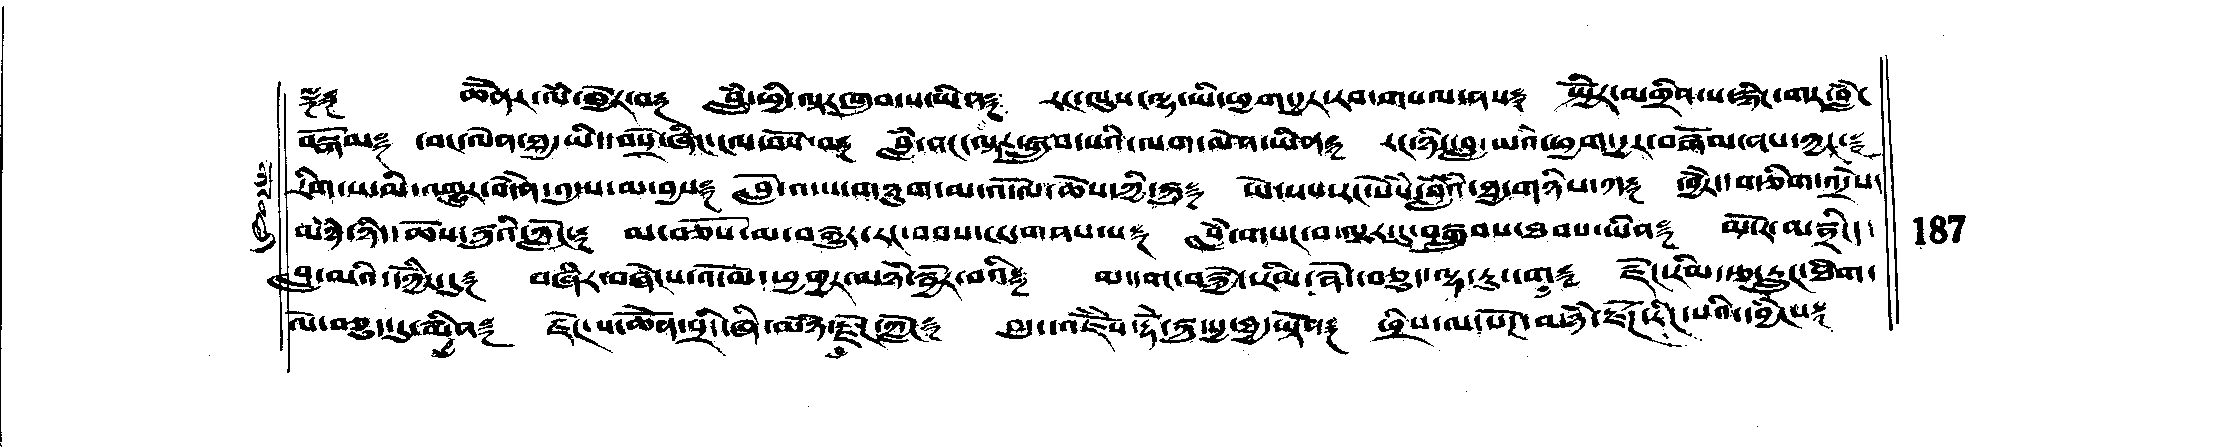ཆེན་པོར་ལམ་ཁྱེར་བ། །བླ་མ་ཕྱི་ལྟར་གྲུབ་པ་ཡིན། །རང་ལུས་ལྷ་ཡི་ཕྱག་རྒྱར་རབ་གསལ་ནས། །སྤྱི་བོར་མགྲིན་པ་སྙིང་གར་བླ་མ་
བསྒོམ། །དབང་ལེན་ཐུགས་ཡིད་བསྲེ་ཞིང་ངལ་གསོ་བ། །བླ་མ་ནང་ལྟར་སྒྲུབ་པའི་ལག་ལེན་ཡིན། །རང་ཉིད་བླ་མའི་ཕྱག་རྒྱར་བསྒོམ་ནས་ཀྱང་། །
རིག་པ་མི་འགྱུར་བདེ་ཆེན་འདུས་མ་བྱས། །བློ་འདས་གཉུག་མ་འོད་གསལ་ཆོས་ཀྱི་སྐུ། །ཡེ་བབ་རང་སེམས་བླ་མའི་ཐུགས་གཉིས་ཀ། །དབྱེར་མེད་གཅིག་འདྲེས་
མཉམ་ཉིད་ཆོས་སྐུའི་ཀློང་། །མ་བཅོས་མ་བསྒྱུར་རང་བབས་ངང་གནས་པ། །བླ་མ་གསང་བ་ལྟར་དུ་བསྒྲུབས་ཐབས་ཡིན། །མདོར་ན་སྣང་སྲིད་
བླ་མའི་དཀྱིལ་འཁོར་དུ། །གཞིར་བཞེངས་འོད་གསལ་ཕྱག་རྒྱར་མཉམ་སྦྱོར་བའི། །མ་དག་བསྐྱེད་རིམ་སྣོད་བཅུད་ལྷ་རུ་དག །རྫོགས་རིམ་རྩ་རླུང་ཐིག་
ལེ་བཅུད་དུ་སྨིན། །རྫོགས་པ་ཆེན་པོ་སྲིད་ཞི་མཉམ་རྫོགས་ཀློང་། །བདུད་འཇོམས་རྡོ་རྗེ་སྐུ་གསུང་ཐུགས་ཡོན་ཏན། །ཕྲིན་ལས་ལ་སོགས་མཉམ་རྫོགས་རིགས་པའི་དབྱིངས།